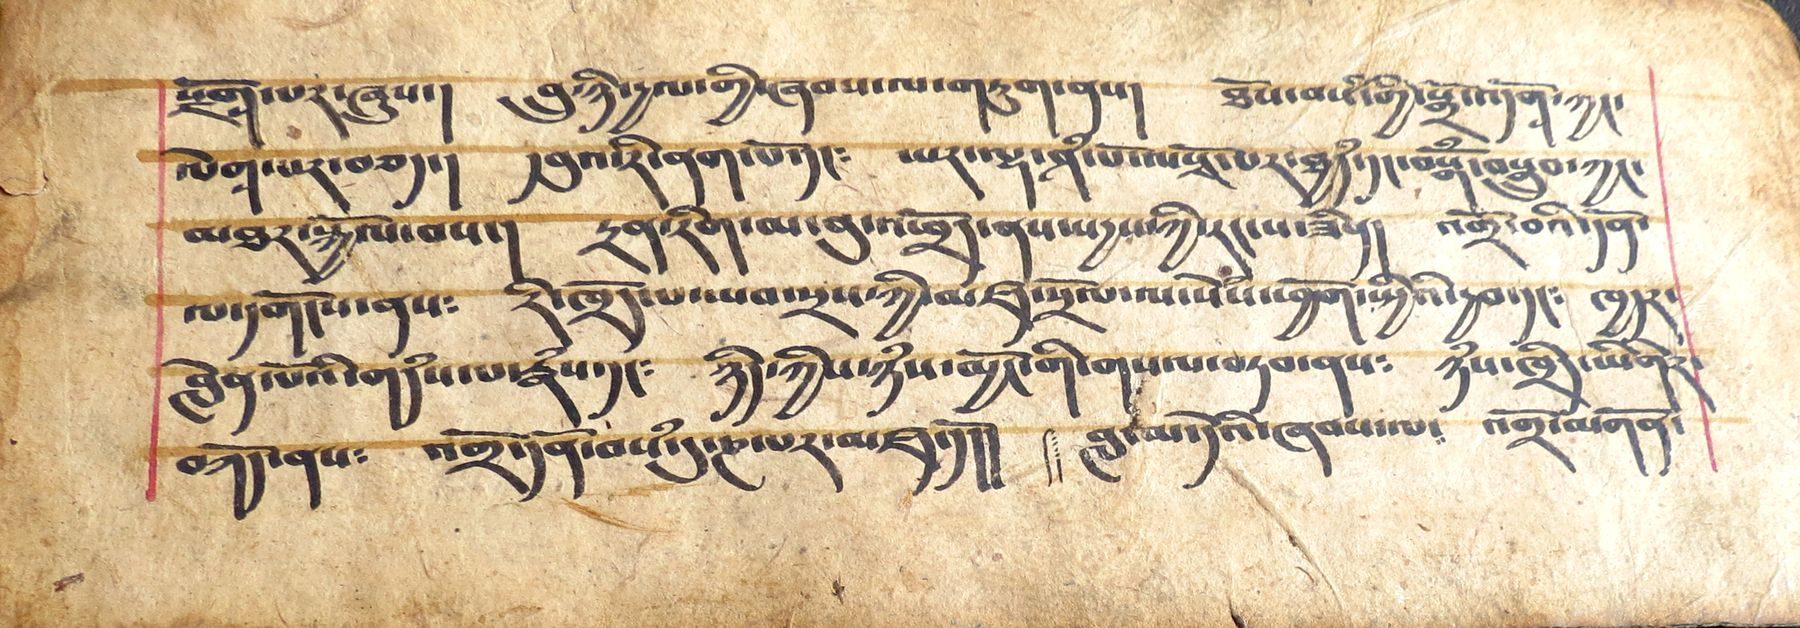རྫོགས་པར་ཞུས། བྲུ་ཉི་རྒྱལ་གྱི་ཞབས་ལ་གཏུགས་ནས་ཐོས་བསམ་གྱིས་སྒྲོ་འདོགས་ཀྱང་
ལེགས་པར་བཅད། དབུས་རི་ནག་པོ་དང་ཡར་ལྷ་ཤམ་པོ་ལ་སོགས་པར་ཐུགས་དམ་དང་སྒོམ་སྒྲུབ་ཀྱང་
མཐར་བསྐྱལ་བས། དྲན་རིག་མ་བུ་འཕྲོད་ནས་སངས་རྒྱས་ཀྱི་རང་ས་ཟིན། འགྲོ་བའི་དོན་
ལ་དགོངས་ནས་རི་ཁྲོད་པ་ཡབ་སྲས་ཀྱི་མཛད་སྲོལ་ལ་སེམས་ཕྱོགས་སྤྱིའི་རྒྱབ་སྐྱོར་དང་། ཁྱད་པར་
བླ་མ་ཆེན་པོའི་གདམས་པ་རྣམས་དང་། ཉིད་ཀྱི་ཉམས་མྱོང་གི་གདམས་པས་གསལ་བཏབ་ནས། ཉམས་ཁྲིད་ཡི་གེར་
བཀོད་ནས་འགྲོ་དོན་བསམ་དུ་མེད་པ་མཛད་དོ། ། བླ་མ་དེའི་ཞབས་ལ་འགྲོ་མགོན་